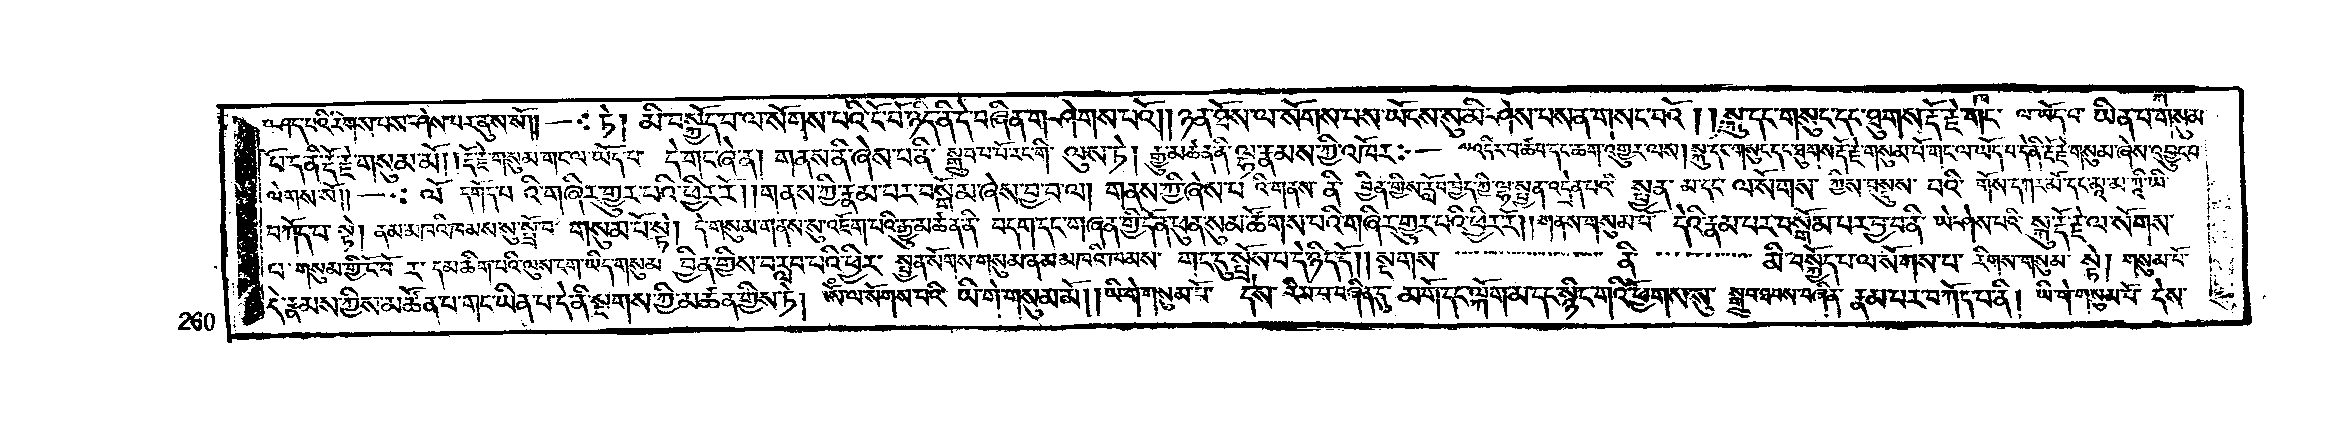བཤད་པའི་རིགས་པས་ཤེས་པར་ནུས་སོ།། ཏེ། མི་བསྐྱོད་པ་ལ་སོགས་པའི་ངོ་བོ་ཉིད་ནི་དེ་བཞིན་གཤེགས་པའོ། །ཉན་ཐོས་ལ་སོགས་པས་ཡོངས་སུ་མི་ཤེས་པས་ན་གསང་བའོ། །སྐུ་དང་གསུང་དང་ཐུགས་རྡོ་རྗེ་གང་ཁ་ལ་ཡོད་པ་ཡིན་པ་ཀ་གསུམ་
པོ་དེ་ནི་རྡོ་རྗེ་གསུམ་མོ། ། རྡོ་རྗེ་གསུམ་གང་ལ་ཡོད་པ་དེ་གང་ཞེ་ན། གནས་ནི་ཞེས་པ་ནི་སྒྲུབ་པ་པོ་རང་གི་ལུས་ཏེ། རྒྱུ་མཚན་ནི་ལྷ་རྣམས་ཀྱི་འཁོར་༧འདིར་པ་ཚབ་དང་ཆག་འགྱུར་ལས། སྐུ་དང་གསུང་དང་ཐུགས་རྡོ་རྗེ་གསུམ་པོ་གང་ལ་ཡོད་པ་དེ་ནི་རྡོ་རྗེ་གསུམ་ཞེས་འབྱུང་བ་
ལེགས་སོ།། ལོ་དགོད་པའི་གཞིར་གྱུར་པའི་ཕྱིར་རོ། །གནས་ཀྱི་རྣམ་པར་བསྒོམ་ཞེས་བྱ་བ་ལ། གནས་ཀྱི་ཞེས་པའི་གནས་ནི་བྱིན་གྱིས་རློབ་བྱེད་ཀྱི་ལྷ་སྤྱན་འདྲེན་པའི་སྤྱན་མ་དང་ལ་སོགས་ཀྱིས་བསྡུས་པའི་གོས་དཀར་མོ་དང་མཱ་མ་ཀཱི་ཡི
བཀོད་པ་སྟེ། ནམ་མཁའི་ཁམས་སུ་སྤྲོ་བ་གསུམ་པོ་སྟེ། དེ་གསུམ་གནས་སུ་འཇོག་པའི་རྒྱུ་མཚན་ནི་བདག་དང་གཞན་གྱི་དོན་ཕུན་སུམ་ཚོགས་པའི་གཞིར་གྱུར་པའི་ཕྱིར་རོ། །གནས་གསུམ་པོ་དེའི་རྣམ་པར་བསྒོམ་པར་བྱ་བ་ནི་ཡེ་ཤེས་པའི་སྐུ་རྡོ་རྗེ་ལ་སོགས་
པ་གསུམ་གྱི་ངོ་བོར་དམ་ཚིག་པའི་ལུས་ངག་ཡིད་གསུམ་བྱིན་གྱིས་བརླབ་པའི་ཕྱིར་སྤྱན་སོགས་གསུམ་ནམ་མཁའི་ཁམས་གང་དུ་སྤྲོས་པ་དེ་ཉིད་དོ། །སྔགས་ནི་མི་བསྐྱོད་པ་ལ་སོགས་པ་རིགས་གསུམ་སྟེ། གསུམ་པོ
དེ་རྣམས་ཀྱིས་མཚོན་པ་གང་ཡིན་པ་དེ་ནི་སྔགས་ཀྱི་མཚན་གྱིས་ཏེ། ཨོཾ་ལ་སོགས་པའི་ཡི་གེ་གསུམ་མོ། །ཡི་གེ་གསུམ་པོ་དེས་རིམ་པ་བཞིན་དུ་མགོ་དང་ལྐོག་མ་དང་སྙིང་གའི་ཕྱོགས་སུ་སྒྲུབ་ཐབས་བཞིན་རྣམ་པར་བཀོད་པ་ནི། ཡི་གེ་གསུམ་པོ་དེས་